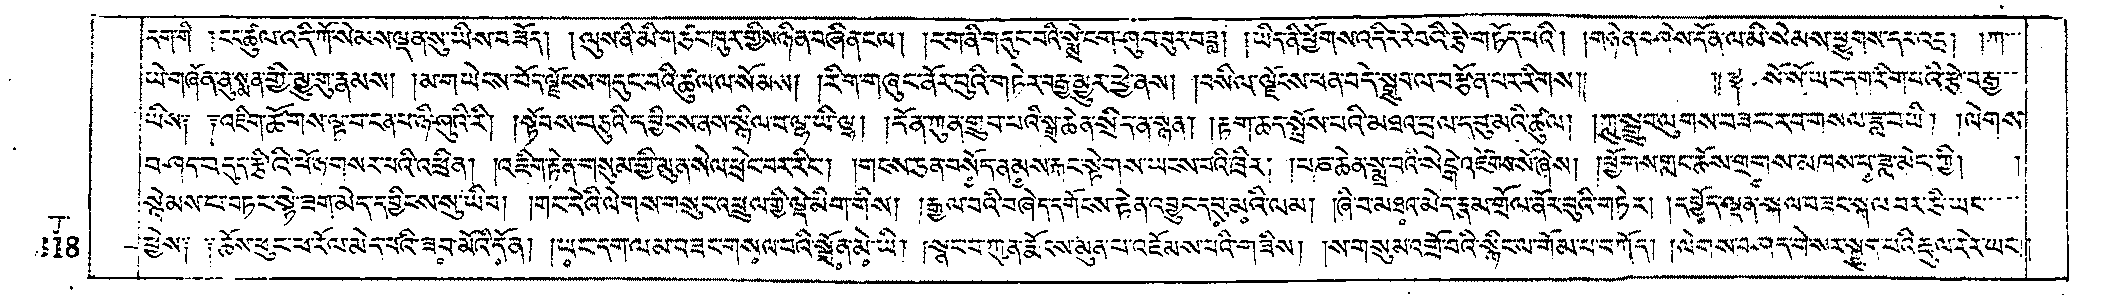དག་གི །ངང་ཚུལ་འདི་ཀོ་སེམས་ལྡན་སུ་ཡིས་བཟོད། །ལུས་ནི་མི་གཙང་ཁུར་གྱིས་ཉིན་བཞིན་ངལ། །ངག་ནི་གདུང་བའི་སྨྲེ་ངག་ཤུབ་བུར་བཟླ། །ཡིད་ནི་ཕྱོགས་འདིར་རེ་བའི་རྩེ་གཏོད་པའི། །གཉེན་བཤེས་དོན་ལ་མི་སེམས་ཕྱུགས་དང་འདྲ། །ཀ་་་
ཡེ་གཞོན་ནུ་སྨན་གྱི་མྱུ་གུ་རྣམས། །མ་གཡེངས་བོད་ལྗོངས་གདུང་བའི་ཚུལ་ལ་སོམས། །རིག་གཞུང་ནོར་བུའི་གཏེར་བརྒྱ་མྱུར་ཕྱེ་ནས། །བསིལ་ལྗོངས་ཕན་བདེ་སྒྲུབ་ལ་བརྩོན་པར་རིགས།། །། འ་སོ་སོ་ཡང་དག་རིག་པའི་རྩེ་བརྒྱ་་་
ཡིས༑ ༑འཇིག་ཚོགས་ལྟ་བ་ངན་པ་ཉི་ཤུའི་རི། །སྟོབས་བཅུའི་དབྱིངས་ནས་སྙིལ་བ་ལྷ་ཡི་ལྷ། །དོན་ཀུན་གྲུབ་པའི་སྒྲ་ཆེན་སྲིད་ན་སྙན། །རྟག་ཆད་སྤྲོས་པའི་མཐའ་བྲལ་དབུ་མའི་ཚུལ། །ཀླུ་སྒྲུབ་ལུགས་བཟང་རབ་གསལ་ཟླ་བ་ཡི། །ལེགས་
བཤད་བདུད་རྩིའི་ཕོ་ཉ་གསར་པའི་འཕྲིན། །འཇིག་རྟེན་གསུམ་གྱི་མུན་སེལ་ཕྲེང་བར་རིང་། །གངས་ཅན་བསོད྾་ནམས྾་རྐང་སྟེགས་གཡངས་པའི་ཁྲིར། །པཎ་ཆེན་སྨྲ་བའི་སེངྒེ་འཛེགས་སོ་ཞེས། །ཕྱོགས་གླང་ཆོས་གྲགས་མཁས་པ྾་ཟླ་མེད་ཀྱི། །
སྙེམས་པ་བཏང་སྟེ་ཟག་མེད་དབྱིངས་སུ་ཡིབ། །གང་དེའི་ལེགས་གསུང་འཕྲུལ་གྱི་ལྡེ་མིག་གིས། །རྒྱལ་བའི་བཞེད་དགོངས་རྟེན་འབྱུང་དབུ྾་མའི྾་ལམ། །ཞི་བ་མཐའ྾་མེད་རྣམ་གྲོལ་ནོར་བུའི་གཏེར། །དཔྱོད྾་ལྡན་སྐལ་བཟང་སྐལ་བར་ཅི་ཡང་་་
ཕྱེས༑ ༑ཆོས་ཕུང་ཕ་རོལ་མེད་པའི་ཟབ྾་མོའི་དོན྾། །ཡང྾་དག་ལམ་བཟང་གསལ྾་བའི་སྒྲོན྾་མེ྾་ཡི། །སྣང་བ་ཀུན་རྨོངས་མུན་པ་འཇོམས་པའི་གཟིས། །ས་གསུམ་འགྲོ་བའི་སྙིང་ལ་གོམ་པ་བཀོད། །ལེགས་བཤད་གེ་སར་སྐྱུག་པའི་རྡུལ་རེར་ཡང་། །